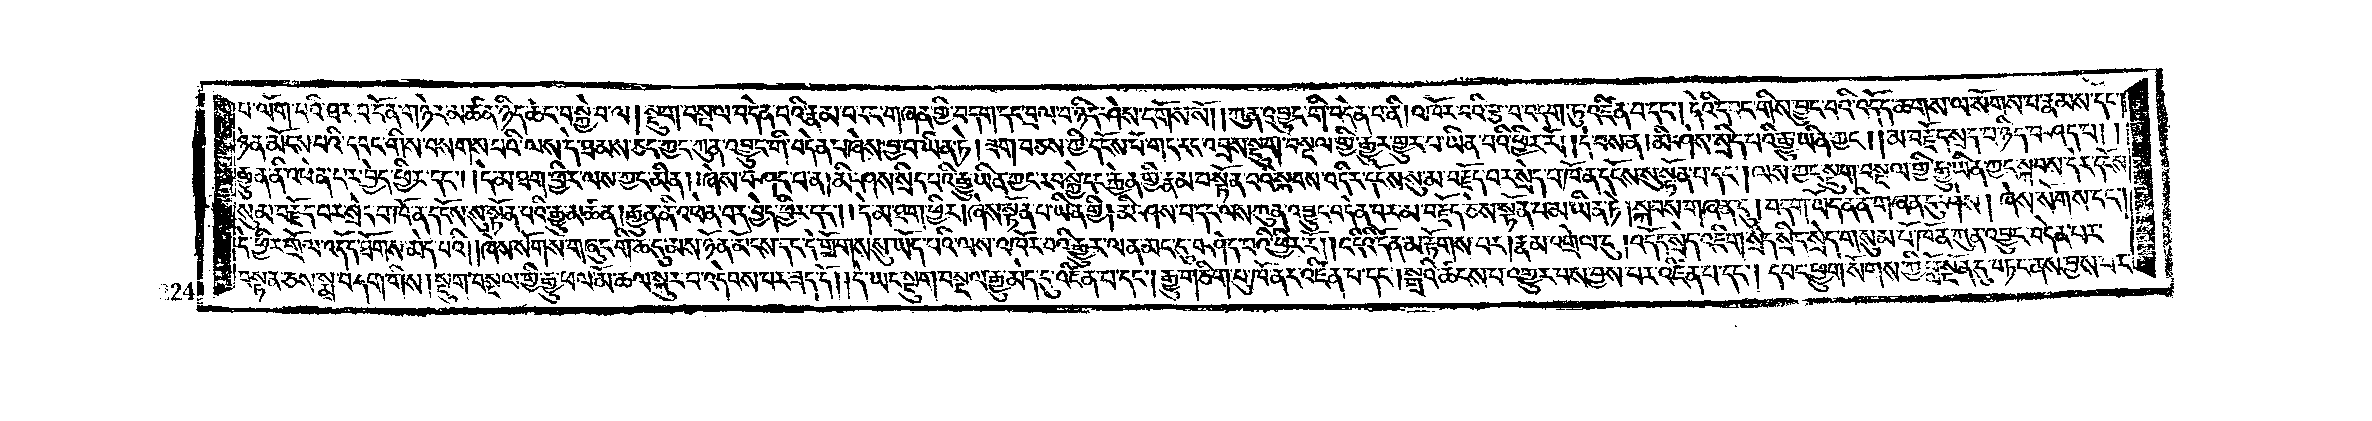པ་ལོག་པའི་ཐར་པ་དོན་གཉེར་མཚན་ཉིད་ཆོད་པ་?་སྐྱེ་བ་ལ། སྡུག་བསྔལ་བདེན་པའི་རྣམ་པ་རང་གཞན་གྱི་བདག་དང་བྲལ་བ་ཉིད་ཤེས་དགོས་སོ། །ཀུན་འབྱུང་གི་བདེན་པ་ནི། འཁོར་བའི་རྩ་བ་བདག་ཏུ་འཛིན་པ་དང་། དེའི་དབང་གིས་བྱུང་བའི་འདོད་ཆགས་ལ་སོགས་པ་རྣམས་དང་།
ཉེན་མོངས་པའི་དབང་གིས་བསགས་པའི་ལས་དེ་ཐམས་ཅད་ཀྱང་ཀུན་འབྱུང་གི་བདེན་པ་ཞེས་བྱ་བ་ཡིན་ཏེ། ཟག་བཅས་ཀྱི་དངོས་པོ་གང་རང་འབྲས་སྡུག་བསྔལ་གྱི་རྒྱུར་གྱུར་པ་ཡིན་པའི་ཕྱིར་རོ། །དེ་བས་ན། མི་ཤེས་སྲིད་པའི་རྒྱུ་ཡིན་ཀྱང་། །མ་བརྗོད་སྲིད་པ་ཉིད་བཤད་པ། །
རྒྱུན་ནི་འཕན་པར་བྱེད་ཕྱིར་དང་། །དེ་མ་ཐག་ཕྱིར་ལས་ཀྱང་མིན། །ཞེས་བཤད་པ་ན། མེ་ཤས་སྲིད་པའི་རྒྱུ་ཡིན་ཀྱང་རབ་སྐྱེ་དང་རྐྱེན་གྱི་རྣམ་པ་སྟོན་པའི་སྐབས་འདིར་དངོས་སུ་མ་བརྗོད་པར་སྲེད་པ་ཁོ་ན་དངོས་སུ་སྟོན་པ་དང་། ལས་ཀྱང་སྡུག་བསྔལ་གྱི་རྒྱུ་ཡིན་ཀྱང་སྐབས་དེར་དངོས་
སུ་མ་བརྗོད་པར་སྲེད་པ་ཁོ་ན་དངོས་སུ་སྟོན་པའི་རྒྱུ་མཚན། རྒྱུན་ནི་འཕེན་པར་བྱེད་ཕྱིར་དང་། །དེ་མ་ཐག་ཕྱིར། ཞེས་སྟོན་པ་ཡིན་གྱི། མི་ཤས་པ་དང་ལས་ཀུན་འབྱུང་བདེན་པར་མ་བརྗོད་ཅེས་སྟོན་པ་མ་ཡིན་ཏེ། སྐབས་གཞན་དུ། བདག་ཡོད་ན་ནི་གཞན་དུ་ཤེས། ཞེས་སོགས་དང་།
དེ་ཕྱིར་གྲོལ་འདོད་ཐོགས་མེད་པའི། །ཞེས་སོགས་གཞུང་གི་ཚེ་དུ་མས་ཉོན་མོངས་དང་དེ་གྲོགས་སུ་ཡོད་པའི་ལས་འཁོར་བའི་རྒྱུར་ལན་མང་དུ་བཤེད་པའི་ཕྱིར་རོ། །འདིའི་དོན་མ་རྟོགས་པར། རྣམ་འགྲེལ་དུ། འདོད་སྲེད་འཇིག་སྲེད་སྲིད་སྲེད་གསུམ་པོ་ཁོ་ན་ཀུན་འབྱུང་བདེན་པར་
བསྟན་ཅོས་སྨྲ་བ་དག་གིས། སྡུག་བསྔལ་གྱི་རྒྱུ་ཕལ་མོ་ཆལ་སྐུར་བ་འདེབས་པར་ཟད་དོ། །དེ་ཡང་སྡུག་བསྔལ་རྒྱུ་མེད་དུ་འཛིན་པ་དང་། རྒྱུ་གཅིག་པུ་ཁོ་ནར་འཛིན་པ་དང་། སྒྲའི་ཚངས་པ་འགྱུར་བས་བྱས་པར་འཛིན་པ་དང་། དབང་ཕྱུག་སོགས་ཀྱི་བློ་སྔོན་དུ་བཏང་ནས་བྱས་པར་